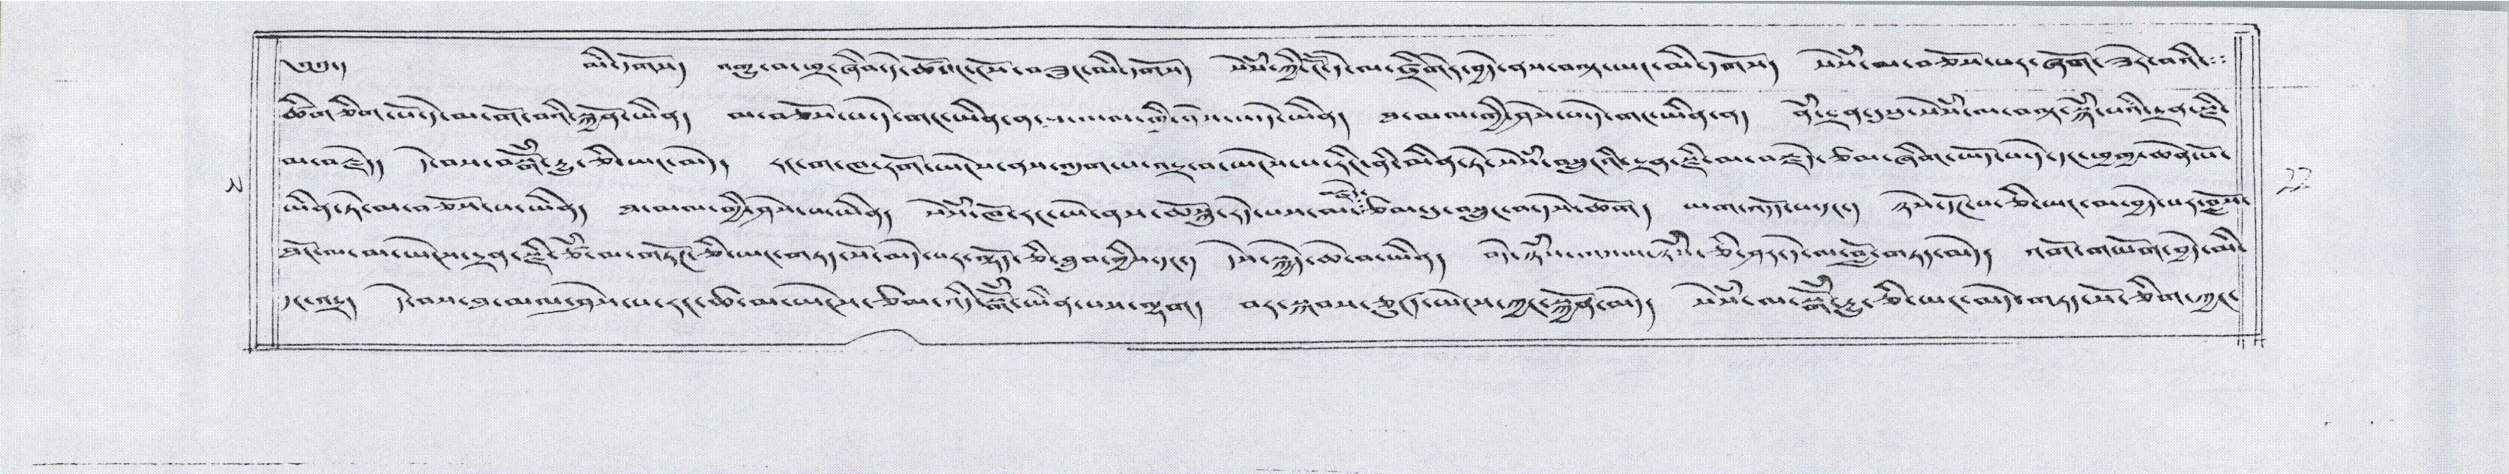མི་དགོས། འགྱུ་བ་ཕྲ་ཞིབ་དེ་ཚོའང་ངོས་བཟུང་མི་དགོས། སེམས་ཀྱི་ངོ་བོ་དེ་ལ་ཧྲིག་གེར་བྱེད་ནས་བལྟ་ཡང་མི་དགོས། སེམས་མ་བཅོས་པར་ཞོག་ཟེར་བའི་
ཚིག་གཅིག་པོ་དེ་མ་གོ་བའི་སྐྱོན་ཡིན། མ་བཅོས་པ་དེ་གང་ཡིན་ན་ཐ་མལ་གྱི་ཤེས་པ་དེ་ཡིན། ཐ་མལ་གྱི་ཤེས་པ་དེ་གང་ཡིན་ན། ནམ་དྲན་དུས་སུ་སེམས་ལ་བལྟ་སྙམ་པའི་དྲན་རྫི་
མ་བརྗེད། དེ་བས་བསྒོམ་རྒྱུ་ཅི་ཡང་མེད། རང་ག་ཁ་རོག་ཡེངས་ནས་འདུག་པ་འདྲ་བ་ཡེངས་པ་རིང་ནི་མིན་ཏེ་སེམས་བསྲུང་བའི་དྲན་རྫི་མ་བརྗེད་ཙམ་ཞིག་ཡོད་པ་དེ་དང་ཕྱགྱ་ཆེན་པོ་
ཡིན་ཏེ་མ་བཅོས་པ་ཡིན། ཐ་མལ་གྱི་ཤེས་པ་ཡིན། སེམས་ཁོ་རང་ཡེ་ནས་ཆོས་སྐུ་རེད་པས་མ་བརྗེད་ཙམ་དུ་བསྲུང་བ་དེས་ཆོག ཡག་འདོད་པ་དང་ཉེས་དོགས་པ་ཅི་ཡང་མ་བྱེད་པར་བློས་
ཐོངས་ལ་མ་ཡེངས་དྲན་རྫི་ཙམ་མ་གཏོགས་ཅི་ཡང་གཏད་སོ་མེད་པར་ལྷོད་ཅི་ཐུབ་གྱིས་དང་དེས་སྐྱེད་ཆེ་བ་ཡིན། བདེ་ཉམས་གསལ་ཉམས་ཅི་ཤར་དེ་ལ་བློ་གཏད་མེད། འགོ་གཡོག་བྱེད་མི་
དང་འདྲ། དེ་བས་ཐ་མལ་ཤེས་པ་རང་ཚ་མ་ཡེངས་ཙམ་འདི་སྒོམ་ཡིན་པས་ལྷག བར་སྐབས་ཅུང་ཟད་ཡེངས་ཀྱང་སྐྱོན་མེད། སེམས་ལ་སྒོམ་རྒྱུ་ཅི་ཡང་མེད་གཏད་སོ་ཅིག་ཀྱང་